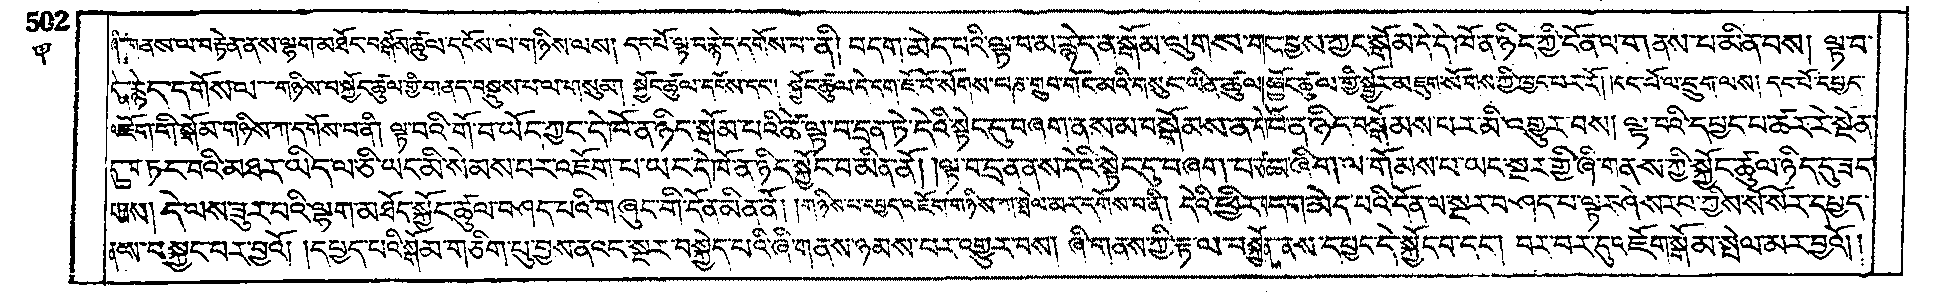ཞི་གནས་ལ་བརྟེན་ནས་ལྷག་མཐོང་བསྒོམ་ཚུལ་དངོས་ལ་གཉིས་ལས། དང་པོ་ལྟ་བ་རྙེད་དགོས་པ་ནི། བདག་མེད་པའི་ལྟ་བ་མ་རྙེད་ན་སྒོམ་ལུགས་གང་བྱས་ཀྱང་སྒོམ་དེ་དེ་ཁོ་ན་ཉིད་ཀྱི་དོན་ལ་གནས་པ་མིན་བས། ལྟ་བ་
དེ་རྙེད་དགོས་ལ་གཉིས་པ་སྐྱོང་ཚུལ་གྱི་གནད་བསྡུས་པ་ལ་གསུམ། སྐྱོང་ཚུལ་དངོས་དང་། སྐྱོང་ཚུལ་དེ་དག་ཇོ་བོ་སོགས་པཎ་གྲུབ་གོང་མའི་གསུང་ཡིན་ཚུལ། སྐྱོང་ཚུལ་གྱི་སྦྱོར་མཇུག་སོགས་ཀྱི་ཁྱད་པར་རོ། །དང་པོ་ལ་དྲུག་ལས། དང་པོ་དཔྱད་
འཇོག་གི་སྒོམ་གཉིས་ཀ་དགོས་པ་ནི། ལྟ་བའི་གོ་བ་ཡོད་ཀྱང་དེད་ཁོ་ན་ཉིད་སྒོམ་པའི་ཚེ་ལྟ་བ་དྲན་ཏེ་དེའི་སྟེང་དུ་བཞག་ནས་མ་བསྒོམས་ན་དེ་ཁོ་ན་ཉིད་བསྒོམས་པར་མི་འགྱུར་བས། ལྟ་བའི་དཔྱད་པ་ཚར་རེ་སྔོན་
དུ་བཏང་བའི་མཐར་ཡིད་ལ་ཅི་ཡང་མི་སེམས་པར་འཇོག་པ་ཡང་དེ་ཁོ་ན་ཉིད་སྐྱོང་བ་མིན་ནོ། །ལྟ་བ་དྲན་ནས་དེའི་སྟེང་དུ་བཞག་པ་ཙམ་ཞིག་ལ་གོམས་པ་ཡང་སྔར་གྱི་ཞི་གནས་ཀྱི་སྐྱོང་ཚུལ་ཉིད་དུ་ཟད་
པས། དེ་ལས་ཟུར་པའི་ལྷག་མཐོང་སྐྱོང་ཚུལ་བཤད་པའི་གཞུང་གི་དོན་མིན་ནོ། །གཉིས་པ་དཔྱད་འཇོག་གཉིས་ཀ་སྤེལ་མར་དགོས་པ་ནི།  དེའི་ཕྱིར་བདག་མེད་པའི་དོན་ལ་སྔར་བཤད་པ་ལྟར་ཤེས་རབ་ཀྱིས་སོ་སོར་དཔྱད་
ནས་བསྐྱང་བར་བྱའོ། །དཔྱད་པའི་སྒོམ་གཅིག་པུ་བྱས་ནའང་སྔར་བསྐྱེད་པའི་ཞི་གནས་ཉམས་པར་འགྱུར་བས། ཞི་གནས་ཀྱི་རྟ་ལ་བསྐྱོན་ནས་དཔྱད་དེ་སྐྱོང་བ་དང་། བར་བར་དུ་འཇོག་སྒོམ་སྤེལ་མར་བྱའོ།།